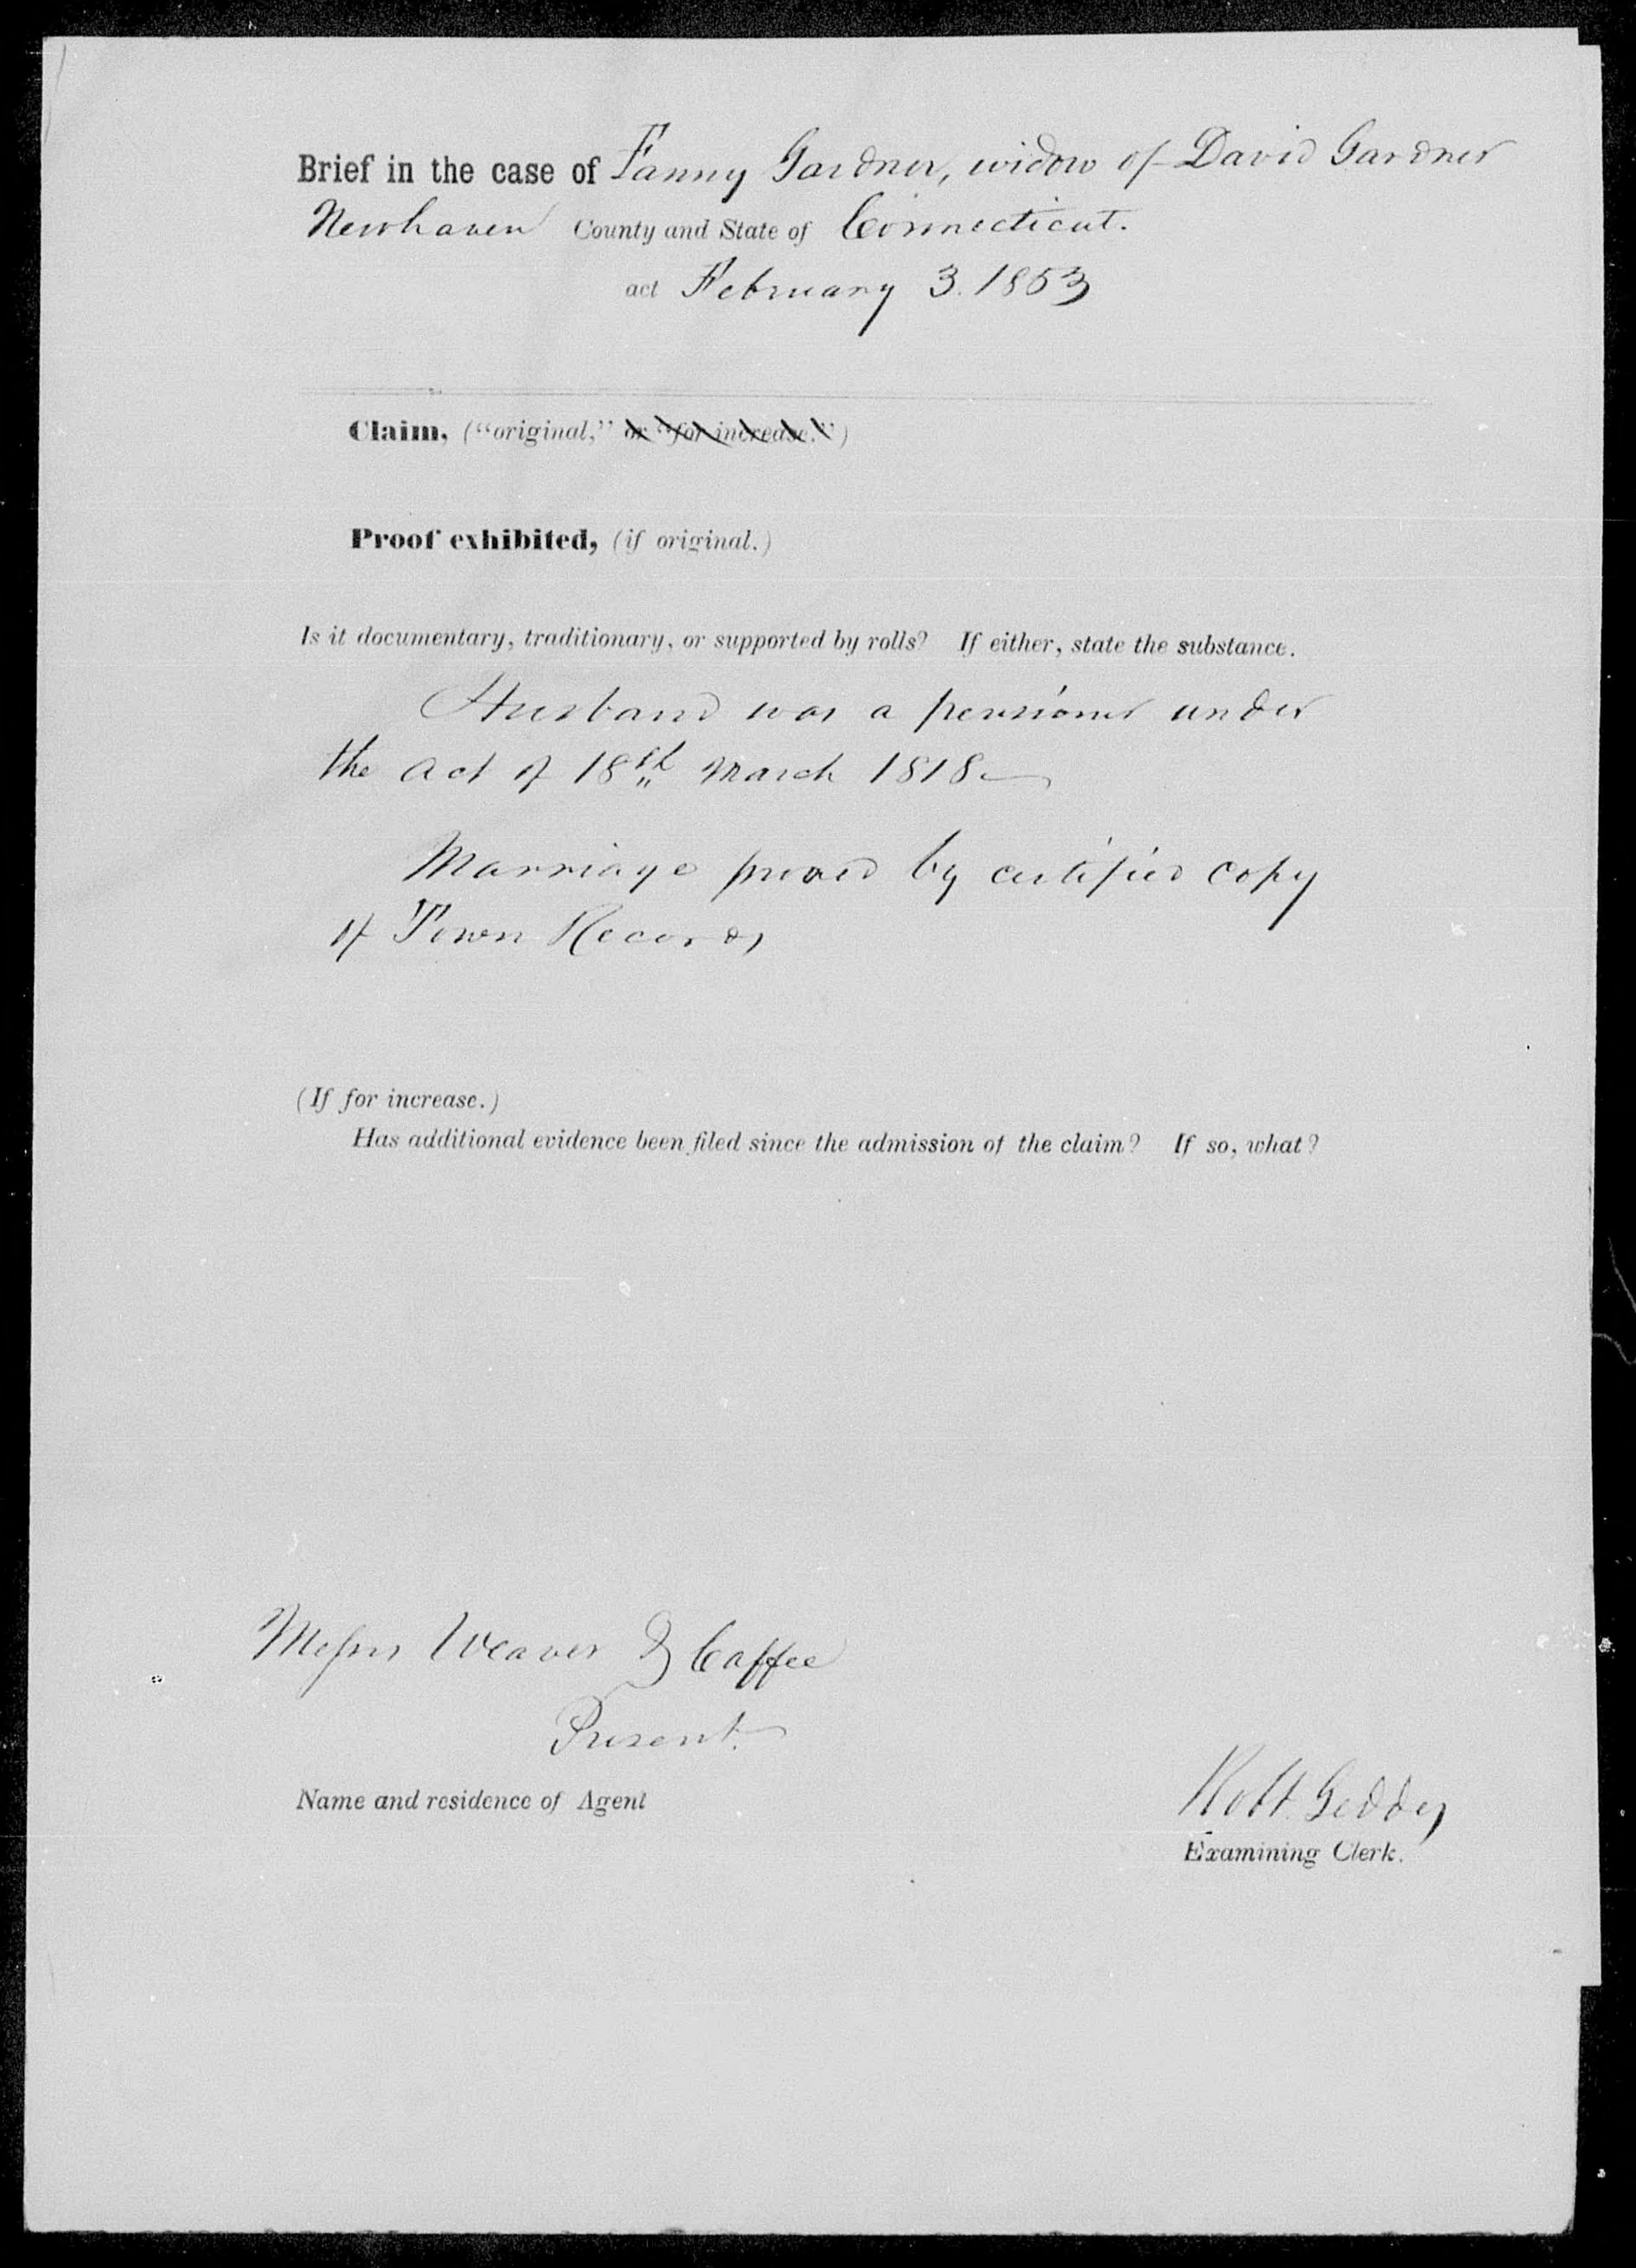Brief in the case of Fanny Gardner, widow of David Garner
Newhaven County and State of Connecticut
act February 3, 1853

Claim,
Proof exhibited,

Is it documentary, traditionary, or supported by rolls? If either, state the substance.

Husband was a pensioner under the act of 18th March 1818.

Marriage proved by certified copy 
of Town Record,

(If for increase.)
Has additional evidence been filed since the admission of the claim? If so, what?

Messrs Weaver & Caffee
Present
Name and residence of Agent

Robt Geddes
Examining Clerk.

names: Weaver, Robt Geddes, Caffee, Fanny Gardner, David Gardner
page: 58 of 66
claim: widow's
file: W 1850, David Gardner, Conn.